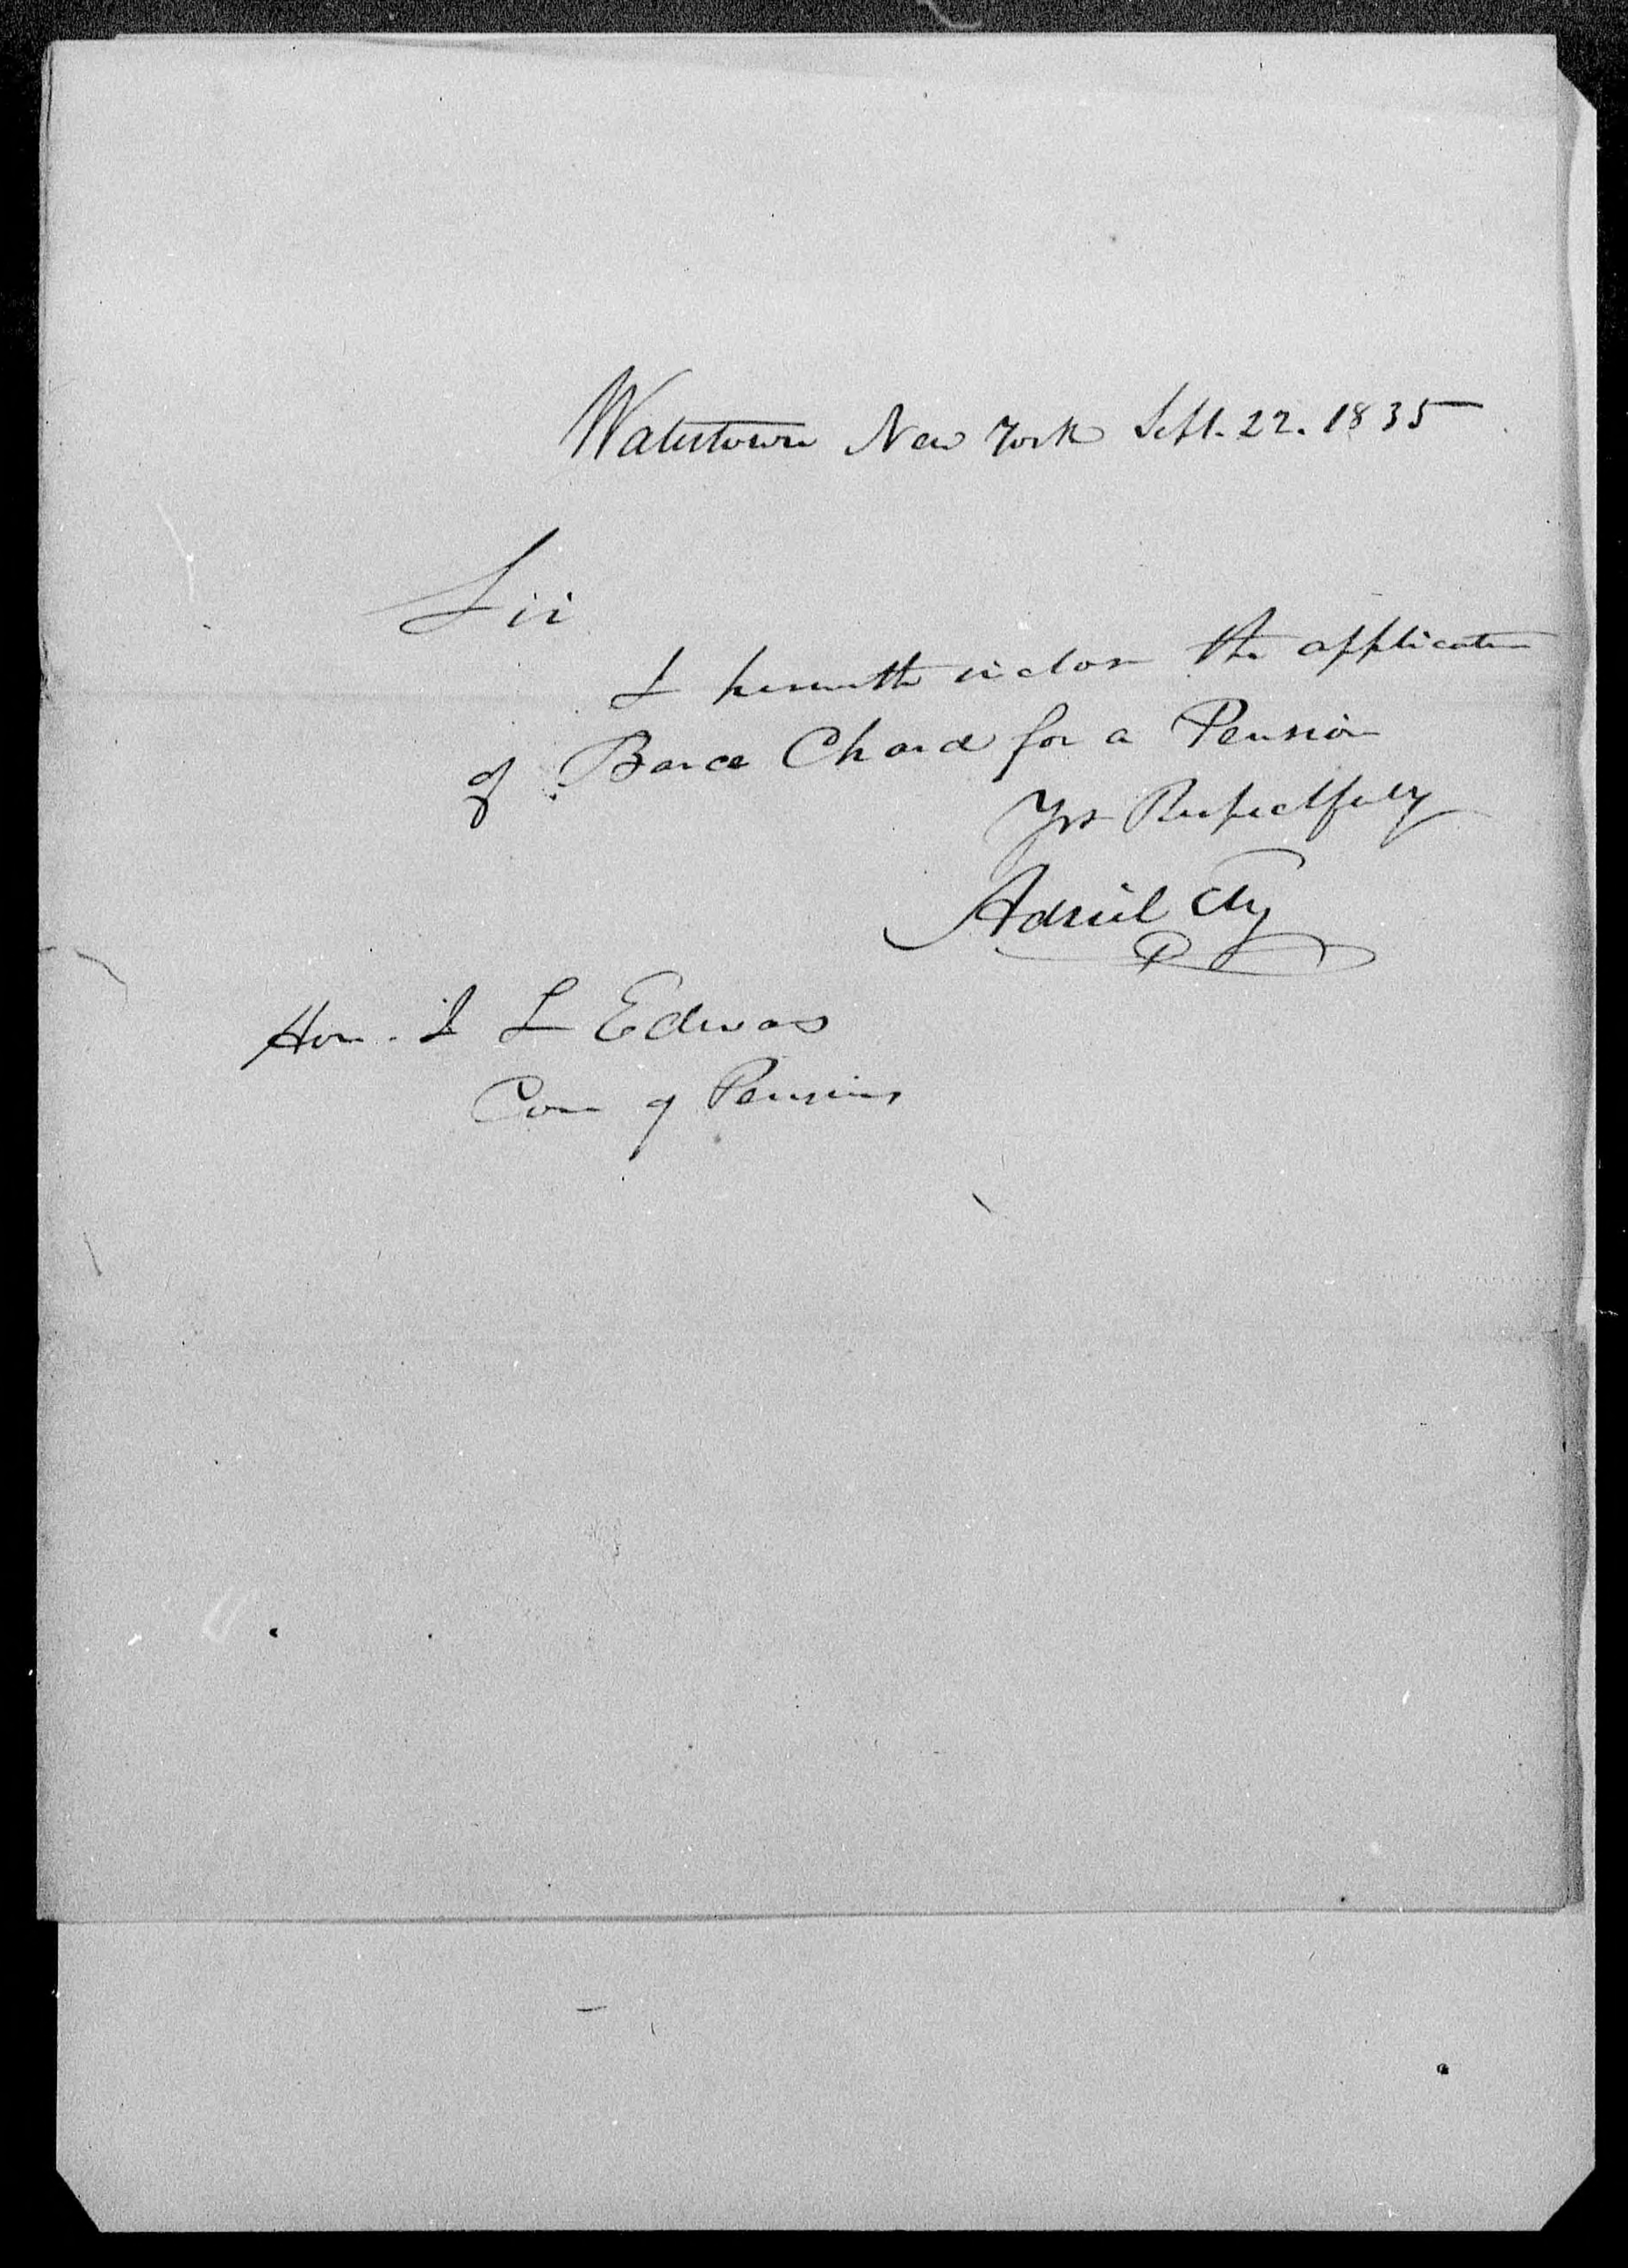Watertown New York Sept. 22, 1835

Sir
I have inclosed the application of Barce Chard for a Pension
Yrs Respectfully
Ariel Ely

Hon. J.L. Edwards
Com of Pensions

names: Barce Chard, J L Edwas, Adriel Ely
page: 27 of 47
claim: widow's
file: W. 10,602, Barce Chard, New York.